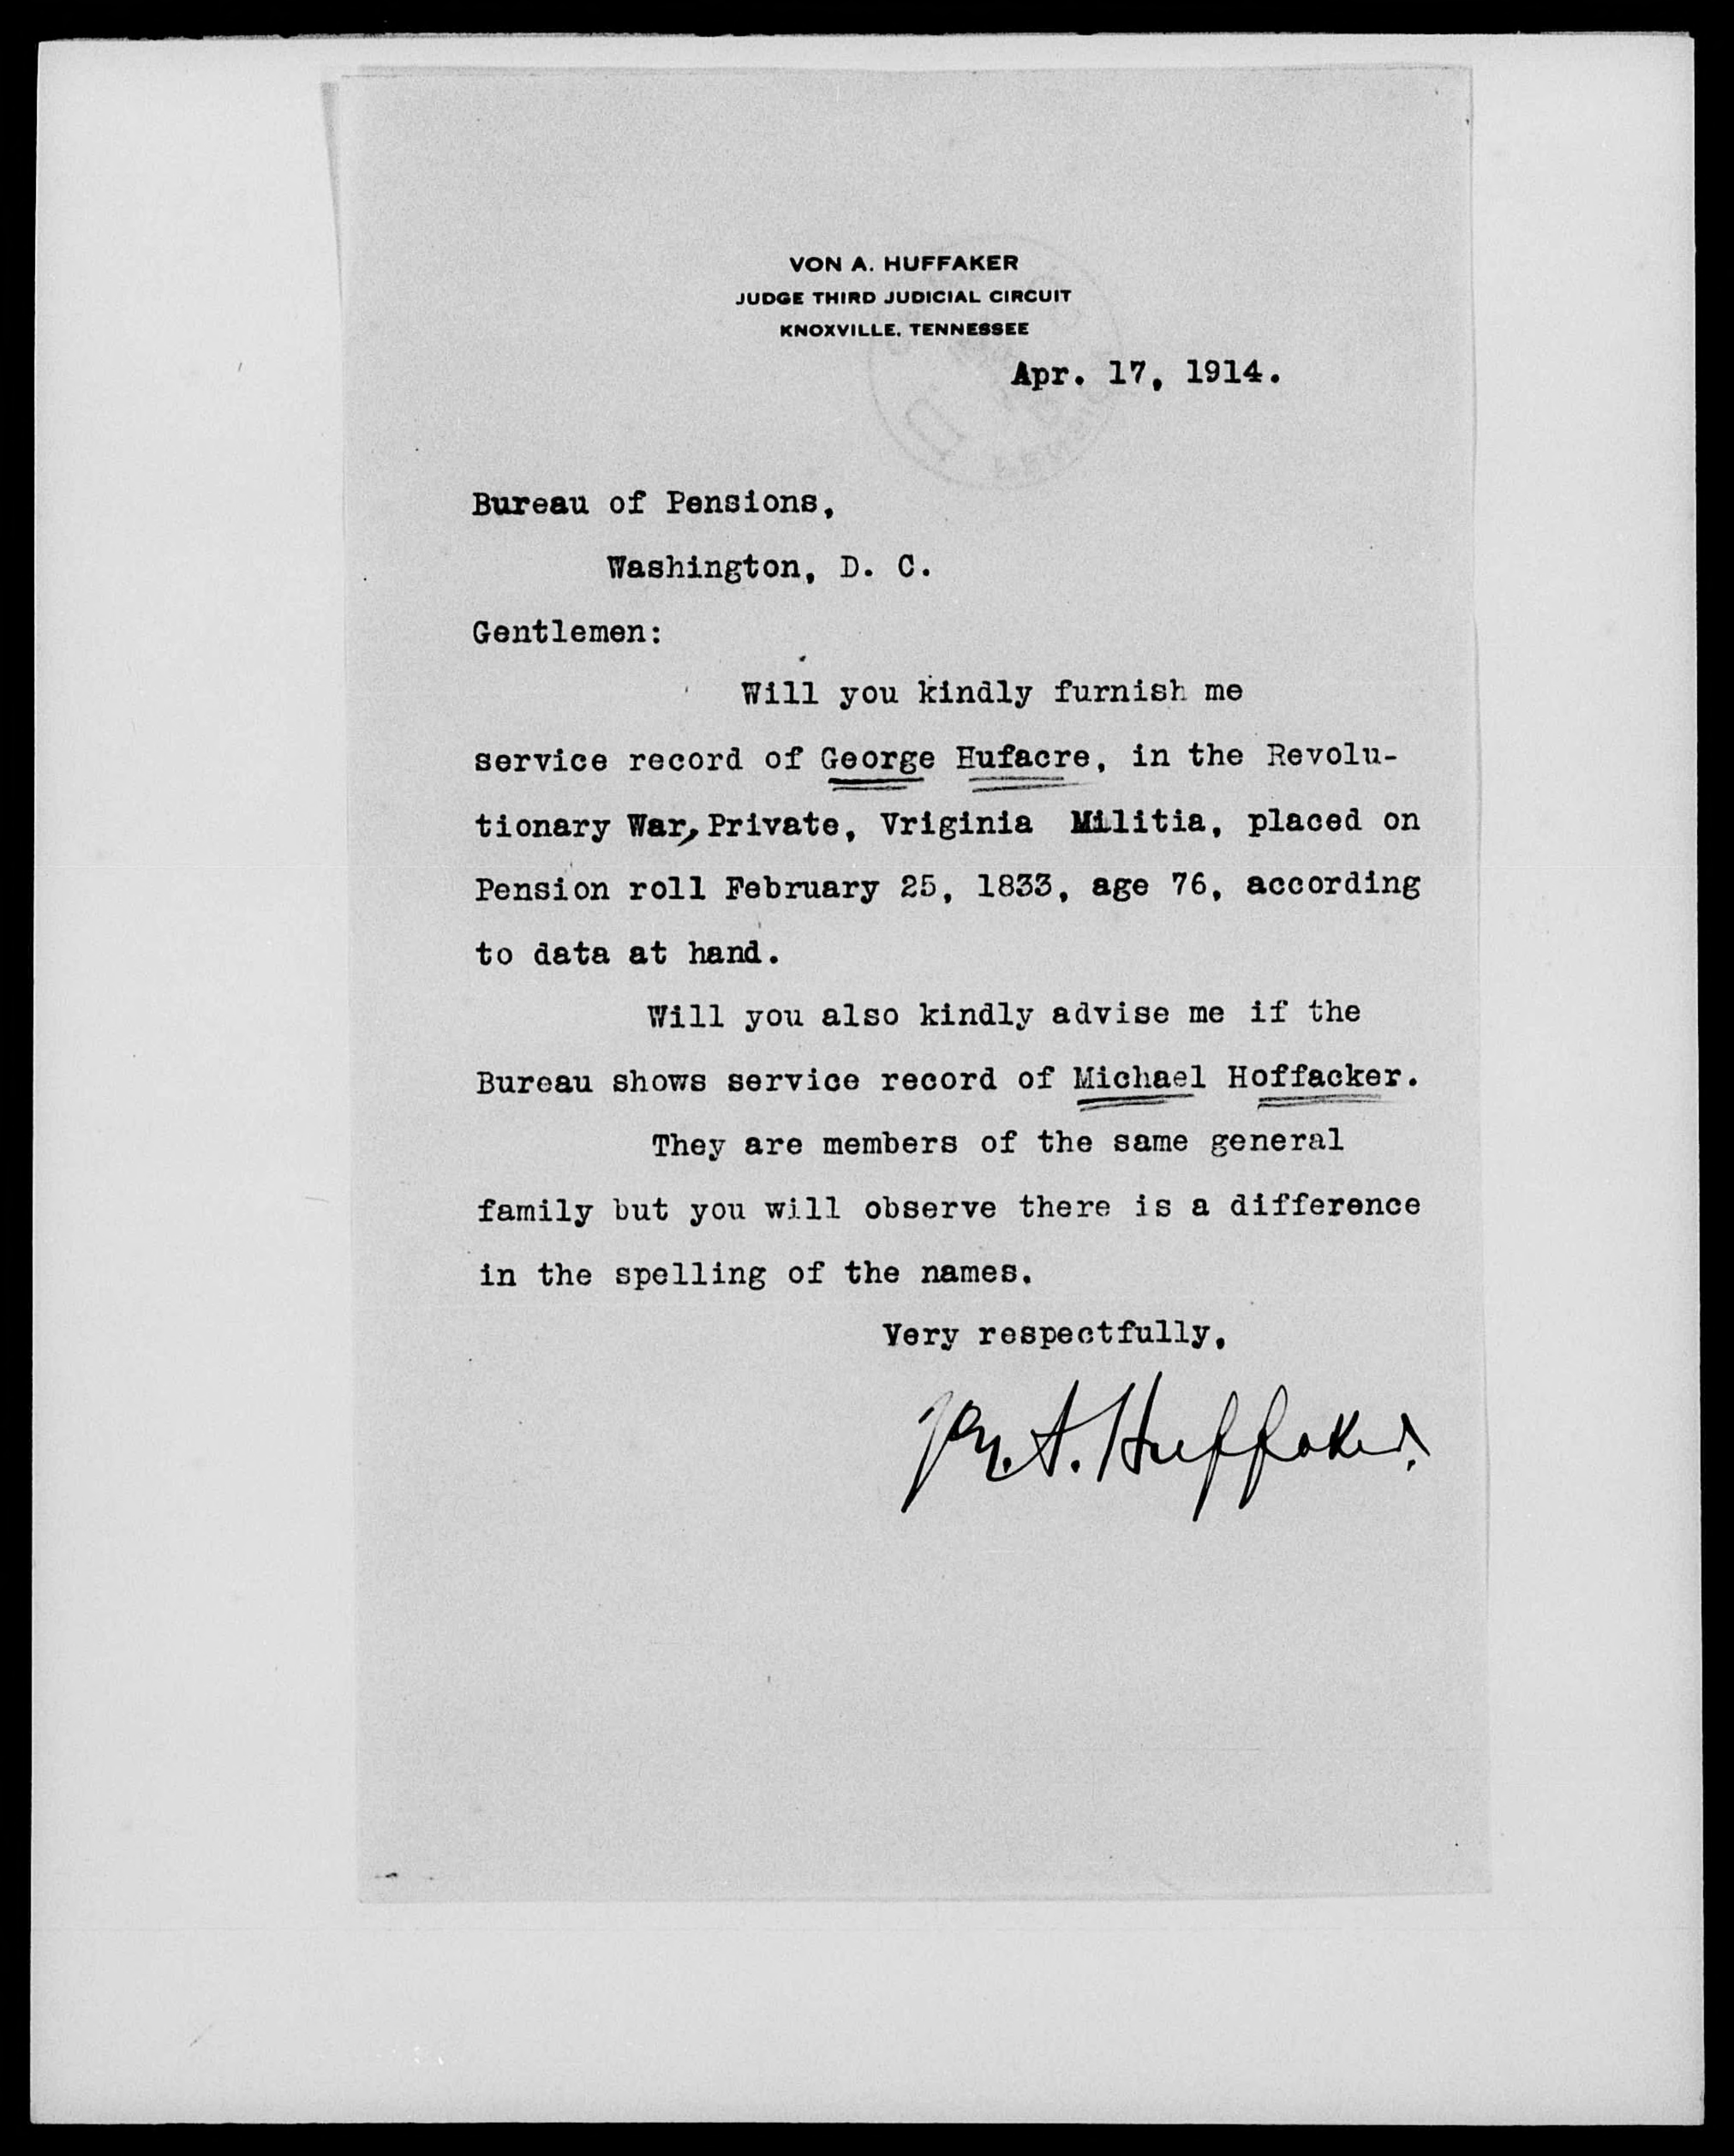VON A. HUFFAKER
Judge Third Judicial Circuit
Knoxville, Tennessee
Apr. 17, 1914

Bureau of Pensions,
Washington, D.C.
 Gentlemen:
Will you kindly furnish me service record of George Hufacre, in the Revolutionary War, Private, Virginia Militia, placed on Pension roll February 25, 1833, age 76, according to data at hand. 
Will you also kindly advise me if the Bureau shows service record of Michael Hoffacker.
They are members of the same general family but you will observe there is a difference in the spelling of the names. 
Very respectfully, 
Von. A. Huffaker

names: Von A Huffaker, George Hufacre, Michael Hoffacker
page: 15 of 19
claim: survivor's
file: S. 1826, George Hufacre, Va.